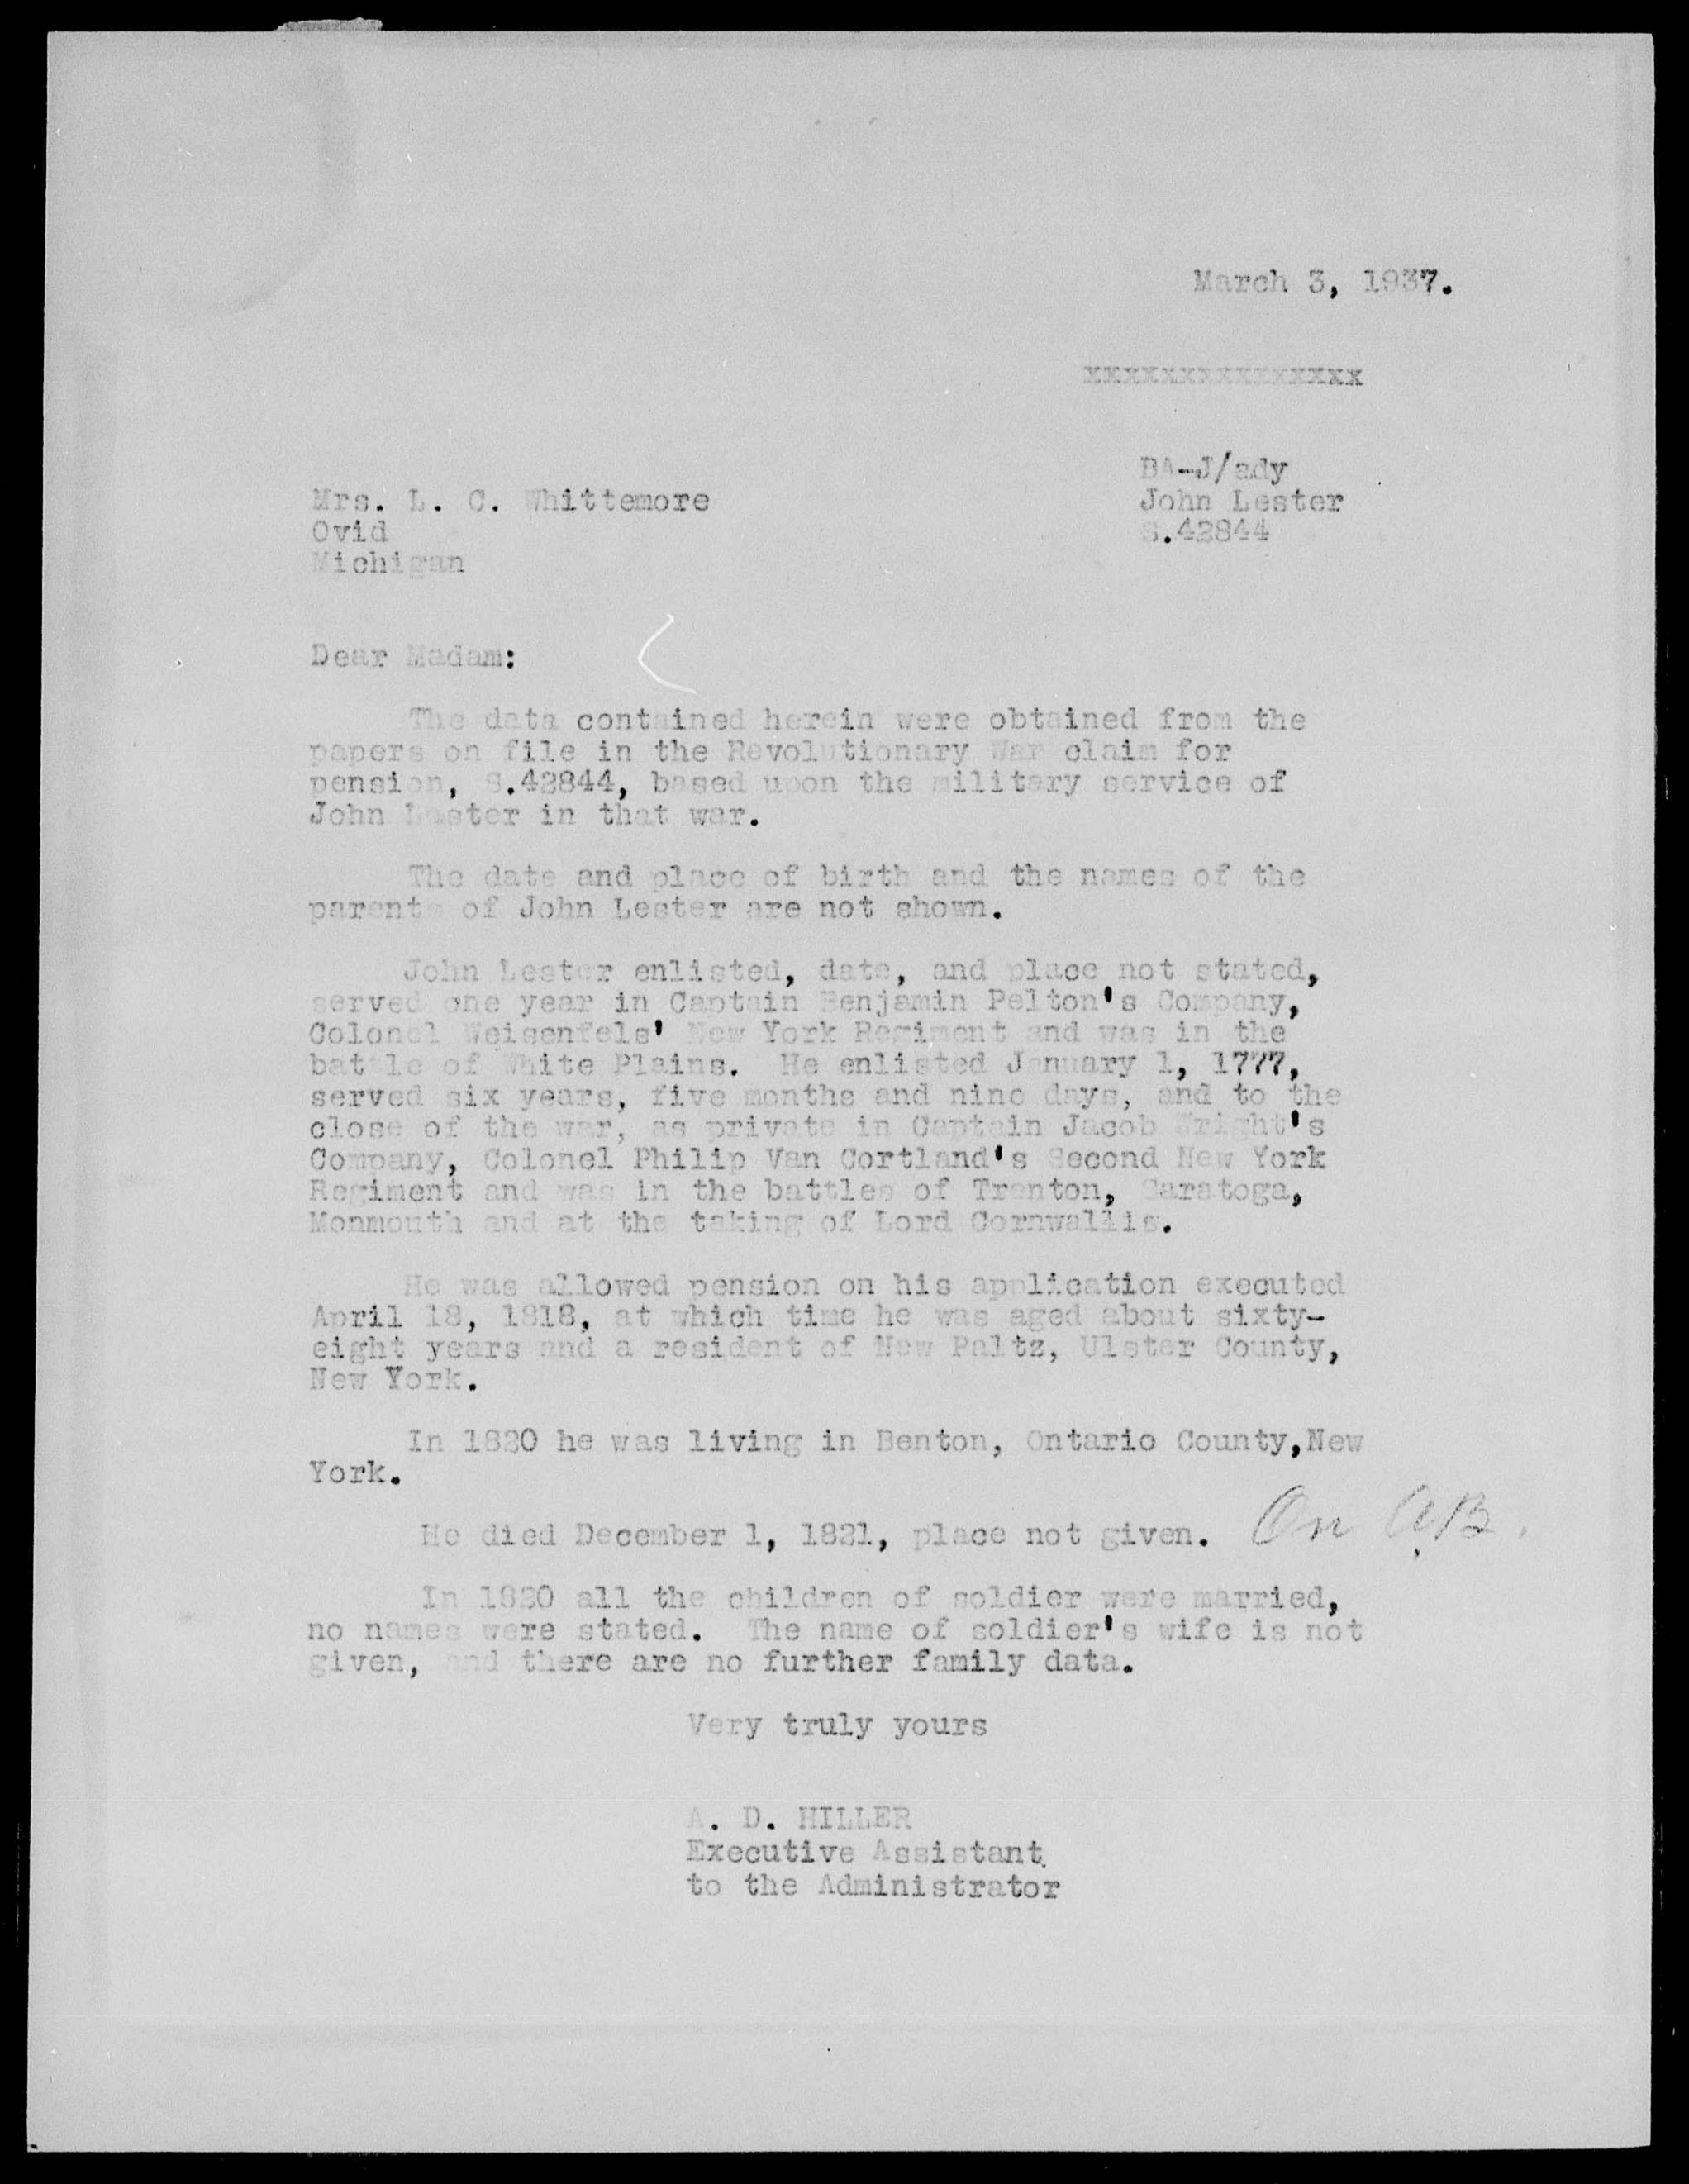March 3, 1937. 
XXXXXXXXXXX 
BA-J/ady 
John Lester 
S. 38844 
Mrs. L. C. Whittemore 
Ovid 
Michigan 
Dear Madam:  
The data contained herein were obtained from the papers on file in the Revolutionary War claim for pension, S.42844, based upon the military service of John Lester in that war. 
The date and place of birth and the names of the parents of John Lester are not shown.
John Lester enlisted, date and place not stated, served one year in Captain Benjamin Pelton's Company, Colonel Weisenfels' New York Regiment and was in the battle of White Plains. He enlisted January 1, 1777, served six years, five months and nine days, and to the close of the war, as private in Captain Jacob Wright's Company, Colonel Philip Van Cortland's Second New York Regiment and was in the battles of Trenton, Saratoga, Monmouth and at the taking of Lord Cornwallis. 
He was allowed pension on his application executed April 18, 1818, at which time he was aged about sixty- eight years and a resident of New Paltz, Ulster County, New York. 
In 1820 he was living in Benton, Ontario County, New York,
He died December 1, 1821, place not given. [in handwriting] On A.B. 
In 1820 all the children of soldier were married, no names were stated. The name of soldier's wife is not given, and there are no further family data. 
Very truly yours 
A.D. HILLER 
Executive Assistant to the Administrator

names: John Lester; [BLANK] Cornwallis; L C Whittemore; A D Hiller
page: 9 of 14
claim: survivor's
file: S. 42844, for John Lester, New York